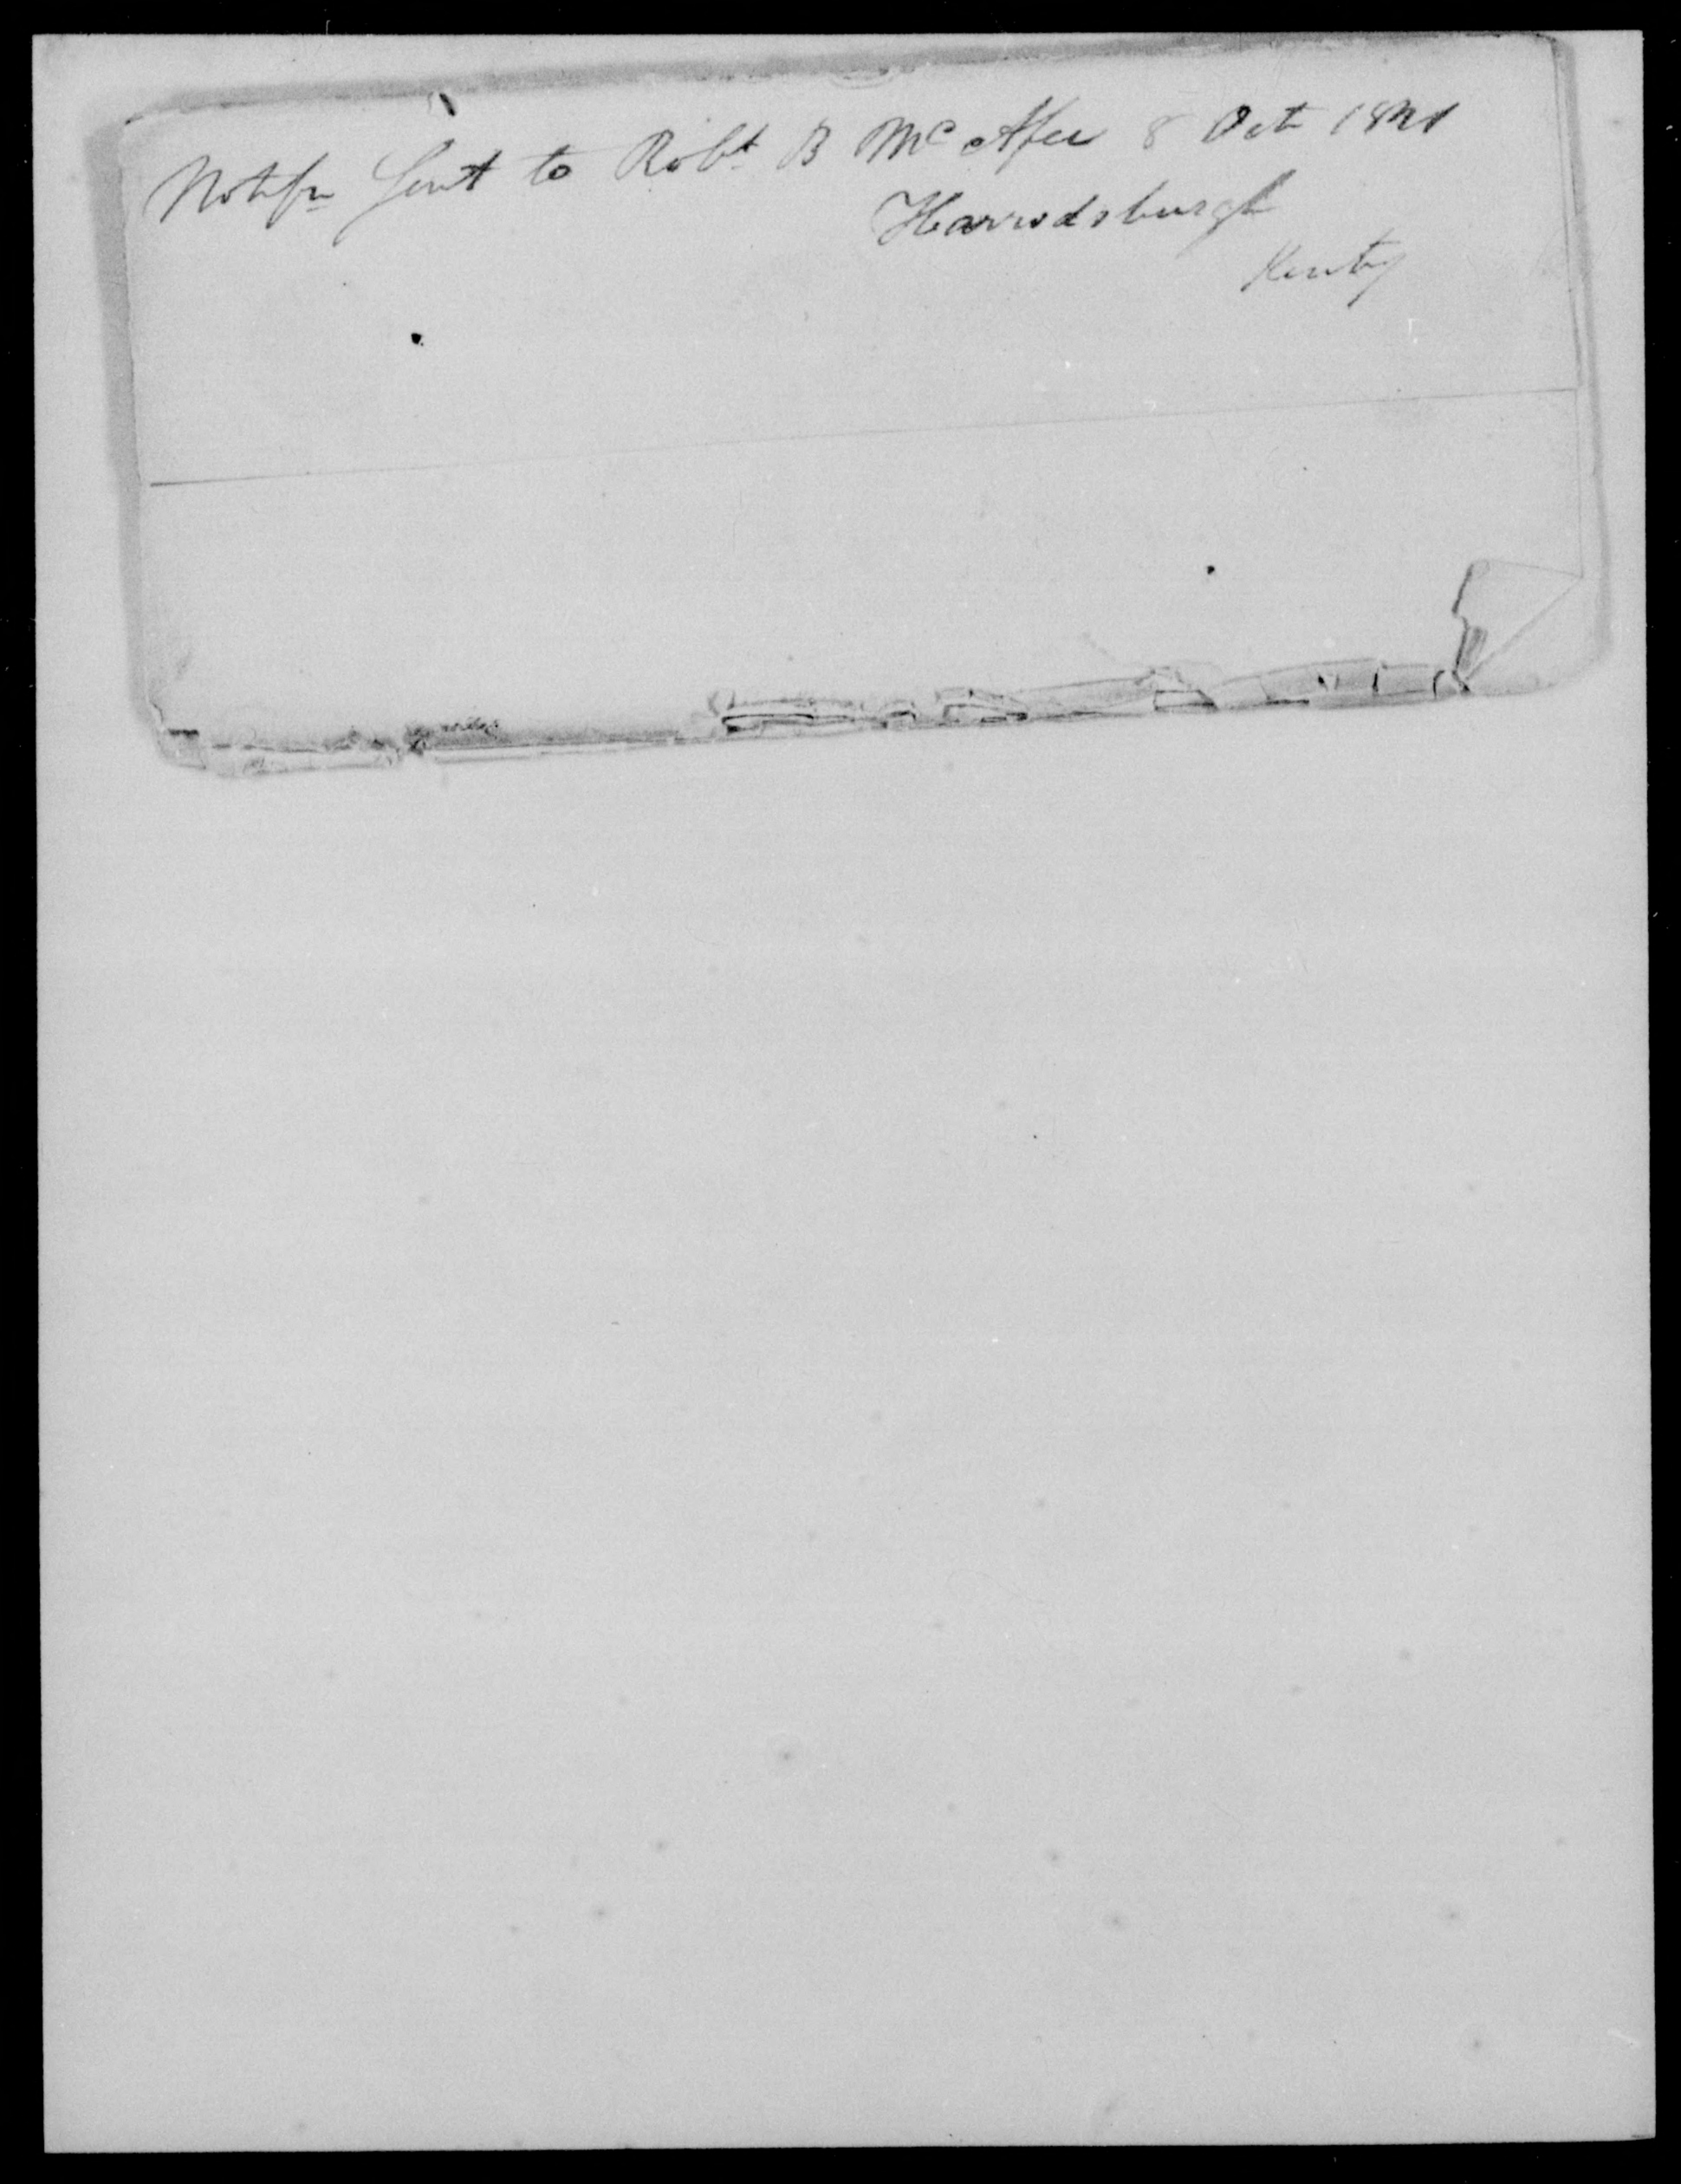Notification sent to Robt. B. McAfee 8 Oct. 1821
Harrodsburgh
Kentucky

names: Robt B Mc Afee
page: 3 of 15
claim: survivor's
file: S. 37,435, for George Speak, Virginia